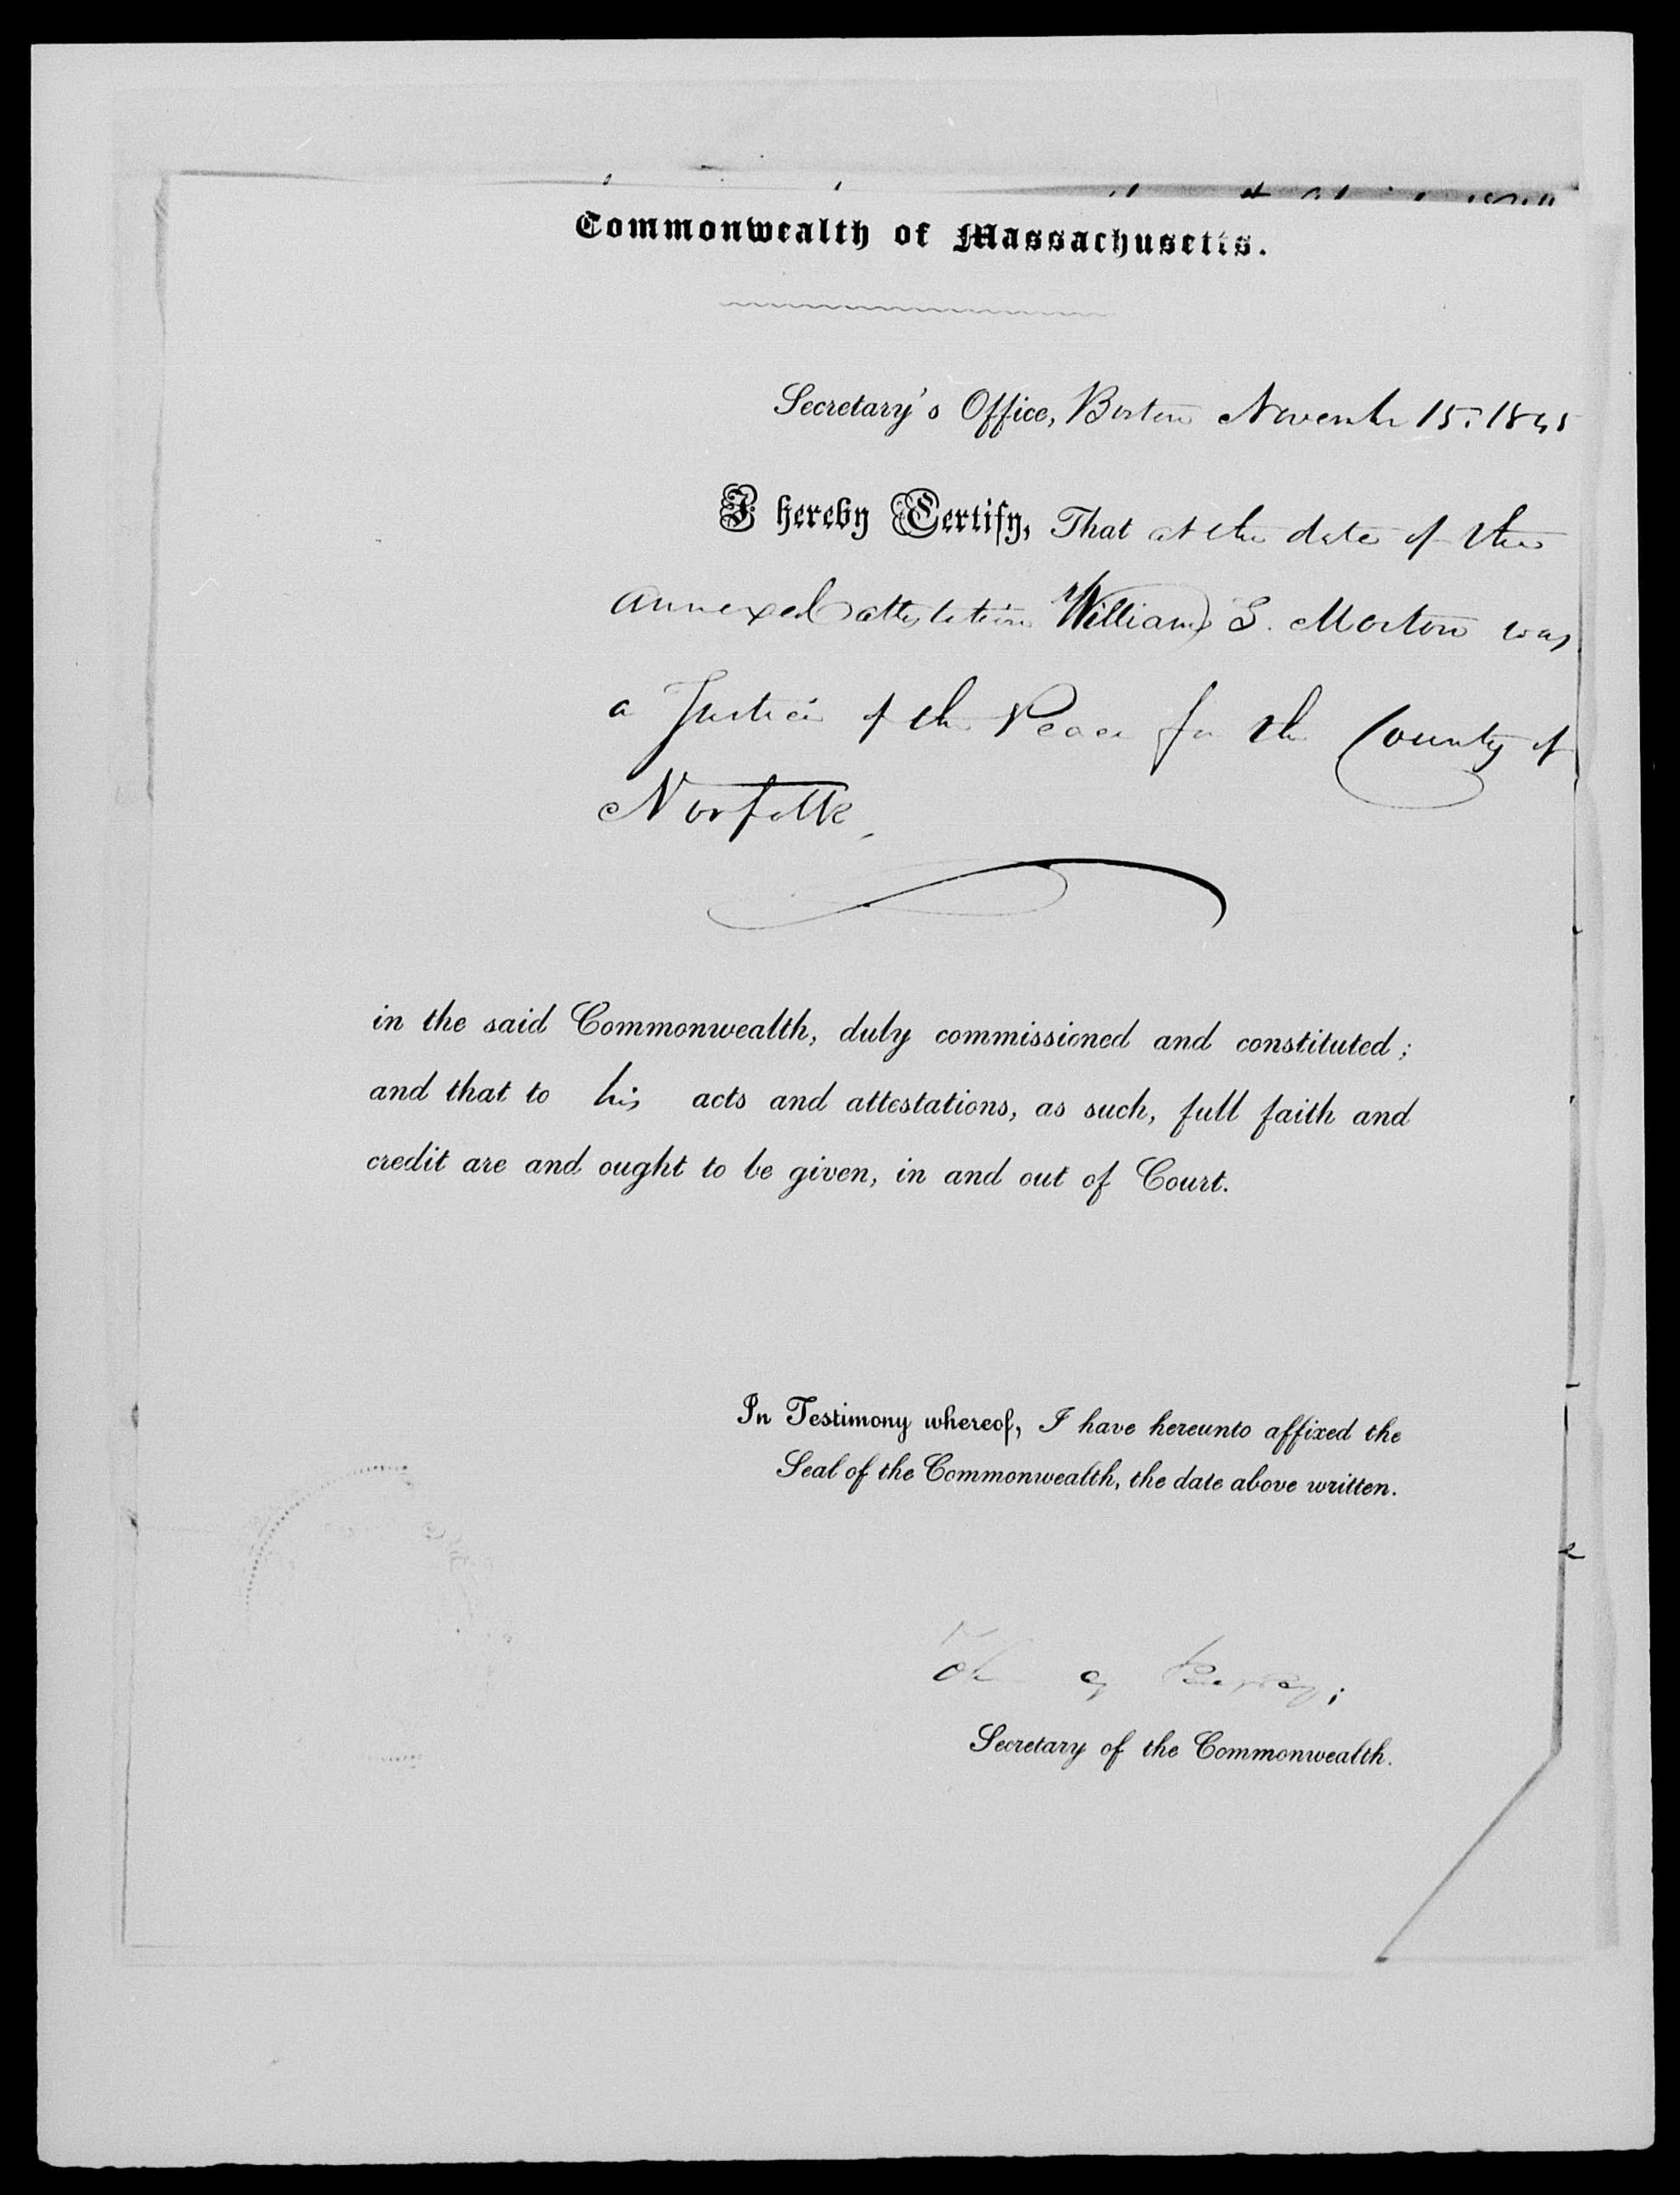Commonwealth of Massachusetts
Secretary's Office Boston November 15, 1845
I hereby Certify , that at the date of the annexed attestation William S. Morton was a Justice of the Peace for the County of Norfolk,
in the said Commonwealth, duly commissioned and constituted; and that to his acts and attestations, as such, full faith and credit are and ought to be given, in and out of Court. 
In Testimony whereof, I have hereunto affixed the Seal of the Commonwealth, the date above written. 
[illegible seal] 
[illegible name} Secretary of the Commonwealth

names: William S Morton, John G Palfrey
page: 35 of 46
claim: widow's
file: W. 23,673, John Brisler, Mass.